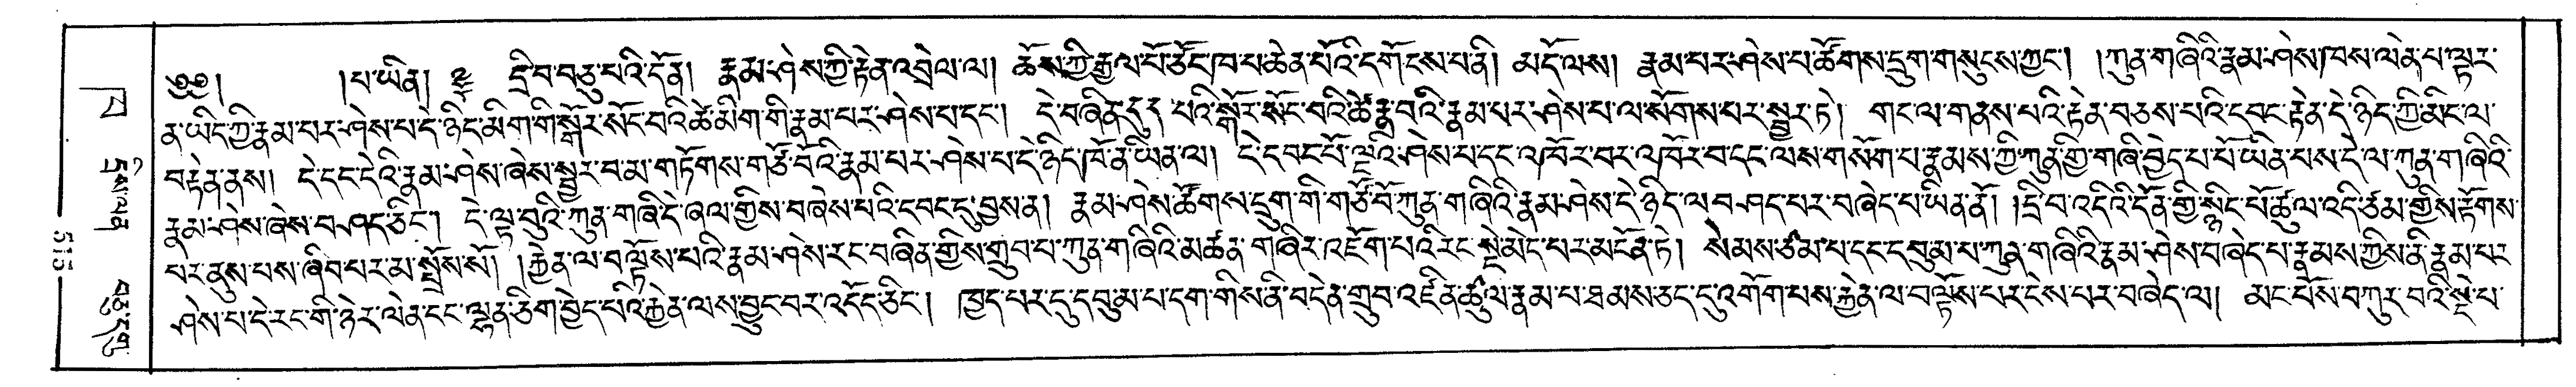༄༅། །པ་ཡིན།། ༈ དྲི་བ་བཅུ་པའི་དོན། རྣམ་ཤེས་ཀྱི་རྟེན་འབྲེལ་ལ། ཆོས་ཀྱི་རྒྱལ་པོ་ཙོང་ཁ་པ་ཆེན་པོའི་དགོངས་པ་ནི། མདོ་ལས། རྣམ་པར་ཤེས་པ་ཚོགས་དྲུག་གསུངས་ཀྱང་། །ཀུན་གཞིའི་རྣམ་ཤེས་ཁས་ལེན་པ་ལྟེར་
ན་ཡིད་ཀྱི་རྣམ་པར་ཤེས་པ་དེ་ཉིད་མིག་གི་སྒོར་སོང་བའི་ཚེ་མིག་གི་རྣམ་པར་ཤེས་པ་དང་། དེ་བཞིན་དུ་རྣ་བའི་སྒོར་སོང་བའི་ཚེ་རྣ་བའི་རྣམ་པར་ཤེས་པ་ལ་སོགས་པར་སྦྱར་ཏེ། གང་ལ་གནས་པའི་རྟེན་བཅས་པའི་དབང་རྟེན་དེ་ཉིད་ཀྱི་མིང་ལ་
བརྟེན་ནས། དེ་དང་དེའི་རྣམ་ཤེས་ཞེས་སྦྱར་བ་མ་གཏོགས་གཙོ་བོའི་རྣམ་པར་ཤེས་པ་དེ་ཉིད་ཁོ་ན་ཡིན་ལ། དེ་དབང་པོ་ལྔའི་ཤེས་པ་དང་འཁོར་བར་འཁོར་བ་དང་ལས་གསོག་པ་རྣམས་ཀྱི་ཀུན་གྱི་གཞི་བྱེད་པ་པོ་ཡིན་པས་དེ་ལ་ཀུན་གཞིའི་
རྣམ་ཤེས་ཞེས་བཤད་ཅིང་། དེ་ལྟ་བུའི་ཀུན་གཞི་དེ་ཞལ་གྱིས་བཞེས་པའི་དབང་དུ་བྱས་ན། རྣམ་ཤེས་ཚོགས་དྲུག་གི་གཙོ་བོ་ཀུན་གཞིའི་རྣམ་ཤེས་དེ་ཉིད་ལ་བཤད་པར་བཞེད་པ་ཡིན་ནོ། །དྲི་བ་འདིའི་དོན་གྱི་སྙིང་པོ་ཚུལ་འདི་ཙམ་གྱིས་རྟོགས་
པར་ནུས་པས་ཞིབ་པར་མ་སྤྲོས་སོ། །རྐྱེན་ལ་བལྟོས་པའི་རྣམ་ཤེས་རང་བཞིན་གྱིས་གྲུབ་པ་ཀུན་གཞིའི་མཚན་གཞིར་འཇོག་པའི་རང་སྡེ་མེད་པར་མངོན་ཏེ། སེམས་ཙམ་པ་དང་དབུ་མ་པ་ཀུན་གཞིའི་རྣམ་ཤེས་བཞེད་པ་རྣམས་ཀྱིས་ནི་རྣམ་པར་
ཤེས་པ་དེ་རང་གི་ཉེར་ལེན་དང་ལྷན་ཅིག་བྱེད་པའི་རྐྱེན་ལས་བྱུང་བར་འདོད་ཅིང་། ཁྱད་པར་དུ་དབུ་མ་པ་དག་གིས་ནི་བདེན་གྲུབ་འཛིན་ཆུལ་རྣམ་པ་ཐམས་ཅད་དུ་འགོག་པས་རྐྱེན་ལ་བལྟོས་པར་ངེས་པར་བཞེད་ལ། མང་པོས་བཀུར་བའི་སྡེ་པ་